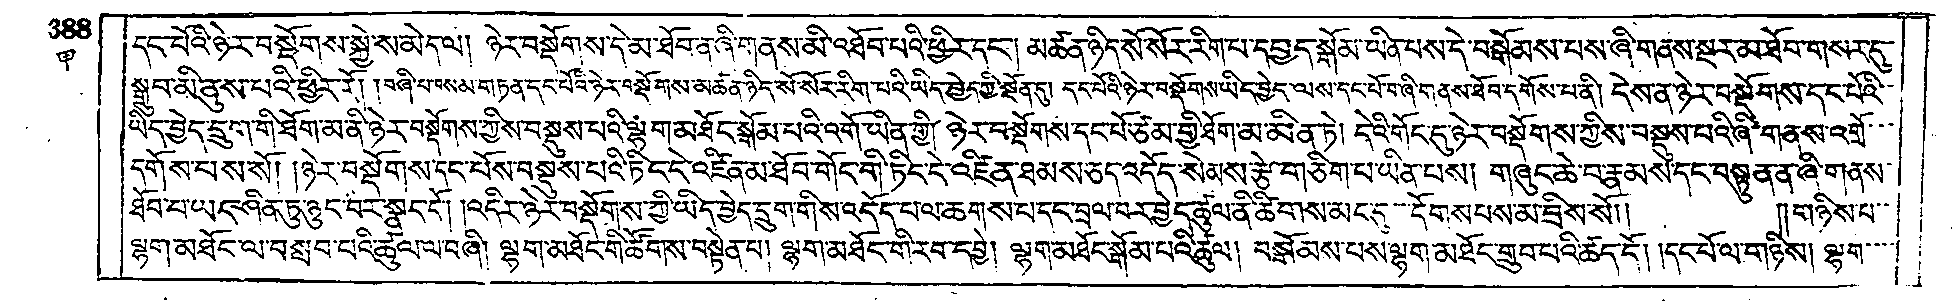དང་པོའི་ཉེར་བསྡོགས་སྐྱེ་ས་མེད་ལ། ཉེར་བསྡོགས་དེ་མ་ཐོབ་ན་ཞི་གནས་མི་འཐོབ་པའི་ཕྱིར་དང་། མཚན་ཉིད་སོ་སོར་རིག་པ་དབྱད་སྒོམ་ཡིན་པས་དེ་བསྒོམས་པས་ཞི་གནས་སྔར་མ་ཐོབ་གསར་དུ་
སྒྲུབ་མི་ནུས་པའི་ཕྱིར་རོ། །བཞི་པ་བསམ་གཏན་དང་པོའི་ཉེར་བསྡོགས་མཚན་ཉིད་སོ་སོར་རིག་པའི་ཡིད་བྱེད་ཀྱི་སྔོན་དུ།  དང་པོའི་ཉེར་བསྡོགས་ཡིད་བྱེད་ལས་དང་པོ་བཞི་གནས་ཐོབ་དགོས་པ་ནི། དེས་ན་ཉེར་བསྡོགས་དང་པོའི་
ཡིད་བྱེད་དྲུག་གི་ཐོག་མ་ནི་ཉེར་བསྡོགས་ཀྱིས་བསྡུས་པའི་ལྷག་མཐོང་སྒོམ་པའི་འོག་ཡིན་གྱི། ཉེར་བསྡོགས་དང་པོ་ཙམ་གྱི་ཐོག་མ་མིན་ཏེ། དེའི་གོང་དུ་ཉེར་བསྡོགས་ཀྱིས་བསྡུས་པའི་ཞི་གནས་འགྲོ་
དགོས་པས་སོ། །ཉེར་བསྡོགས་དང་པོས་བསྡུས་པའི་ཏིང་ངེ་འཛིན་མ་ཐོབ་གོང་གི་ཏིང་ངེ་འཛིན་ཐམས་ཅད་འདོད་སེམས་རྩེ་གཅིག་པ་ཡིན་པས། གཞུང་ཆེ་བ་རྣམས་དང་བསྟུན་ན་ཞི་གནས་
ཐོབ་པ་ཡང་ཤིན་ཏུ་ཉུང་བར་སྣང་ངོ། །འདིར་ཉེར་བསྡོགས་ཀྱི་ཡིད་བྱེད་དྲུག་གིས་འདོད་པ་ལ་ཆགས་པ་དང་བྲལ་བར་བྱེད་ཚུལ་ནི་ཚིགས་མང་དུདོགས་པས་མ་བྲིས་སོ།། །།གཉིས་པ་
ལྷག་མཐོང་ལ་བསླབ་པའི་ཚུལ་ལ་བཞི། ལྷག་མཐོང་གི་ཚོགས་བསྟེན་པ། ལྷག་མཐོང་གི་རབ་དབྱེ། ལྷག་མཐོང་སྒོམ་པའི་ཚུལ། བསྒོམས་པས་ལྷག་མཐོང་གྲུབ་པའི་ཚད་དོ། །དང་པོ་ལ་གཉིས། ལྷག་